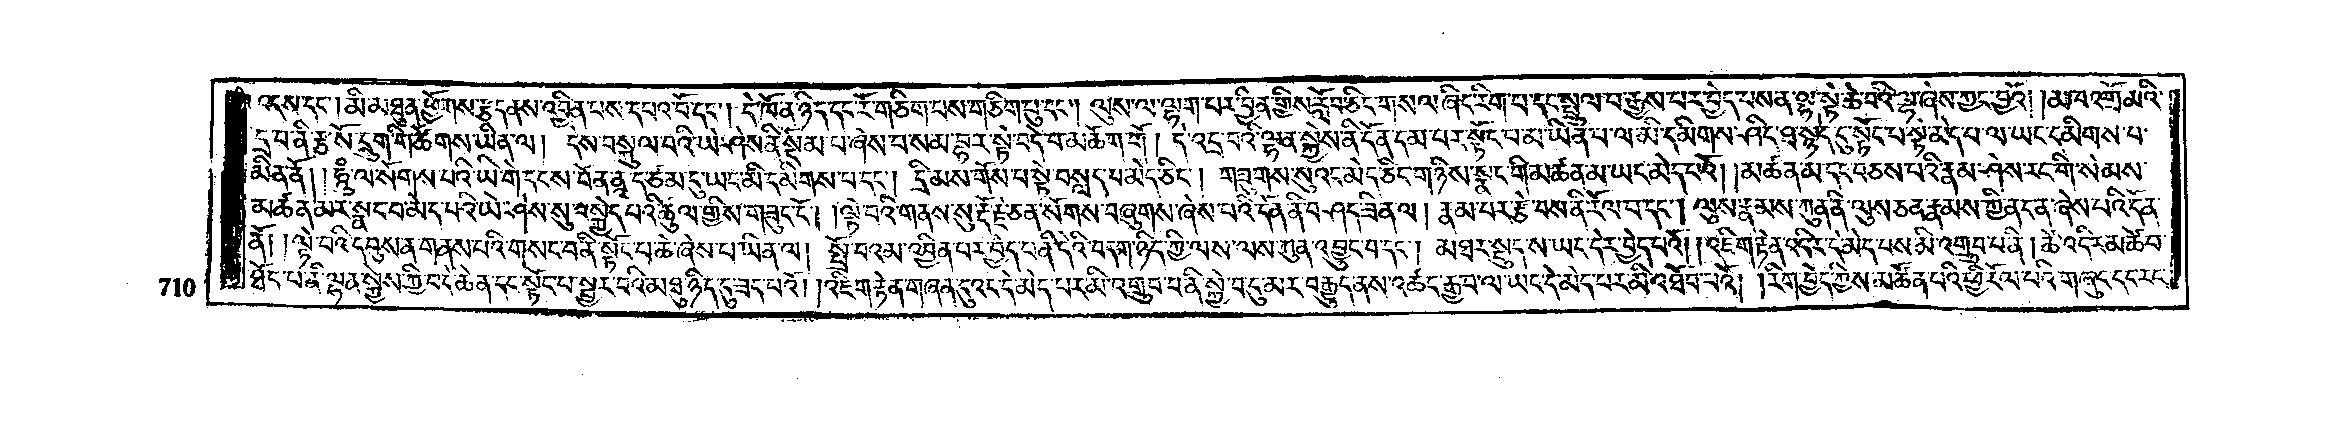འདས་དང་། མི་མཐུན་ཕྱོགས་རྩད་ནས་འབྱིན་པས་དཔའ་བོ་དང་། དེ་ཁོ་ན་ཉིད་དང་རོ་གཅིག་པས་གཅིག་པུ་དང་། ལུས་ལ་ལྷག་པར་བྱིན་གྱིས་རློབ་ཅིང་གསལ་ཞིང་རིག་པ་དང་སྤྲུལ་པ་རྒྱས་པར་བྱེད་པས་ན་ལྷ་སྟེ་ཆེ་བའི་ལྷ་ཞེས་ཀྱང་བྱའོ། །མཁའ་འགྲོ་མའི་
དྲ་བ་ནི་རྩ་སོ་དྲུག་གི་ཚོགས་ཡིན་ལ། དེས་བསྐུལ་བའི་ཡེ་ཤེས་ནི་སྡོམ་པ་ཞེས་པ་སམ་བྷ་ར་སྟེ་བདེ་བ་མཆོག་གོ །དེ་འདྲ་བའི་ལྷན་སྐྱེས་ནི་དོན་དམ་པར་སྟོང་པ་མ་ཡིན་པ་ལ་མི་དམིགས་ཤིང་ཐ་སྙད་དུ་སྟོང་པ་སྟེ་མེད་པ་ལ་ཡང་དམིགས་པ་
མིན་ནོ། །ཧཱུཾ་ལ་སོགས་པའི་ཡི་གེ་དང་ས་བོན་ནཱ་ད་ཙམ་དུ་ཡང་མི་དམིགས་པ་དང་། དྲི་མས་གོས་པ་སྟེ་བསླད་པ་མེད་ཅིང་། གཟུགས་སུའང་མེད་ཅིང་གཉིས་སྣང་གི་མཚན་མ་ཡང་མེད་པའོ། །མཚན་མ་དང་བཅས་པའི་རྣམ་ཤེས་རང་གི་སེམས་
མཚན་མར་སྣང་བ་མེད་པའི་ཡེ་ཤེས་སུ་བསྐྱེད་པའི་ཚུལ་གྱིས་གཟུང་ངོ། །ལྟེ་བའི་གནས་སུ་རྡོ་རྗེ་ཅན་སོགས་བཞུགས་ཞེས་པའི་དོན་ནི་བཤད་ཟིན་ལ། རྣམ་པར་རྩེ་བས་ནི་རོལ་པ་དང་། ལུས་རྣམས་ཀུན་ནི་ལུས་ཅན་རྣམས་ཀྱི་ནང་ན་ཞེས་པའི་དོན་
ནོ། །ལྟེ་བའི་དབུས་ན་གནས་པའི་གསང་བ་ནི་སྟོང་པ་ཆེ་ཞེས་པ་ཡིན་ལ། སྤྲོ་བའམ་འབྱིན་པར་བྱེད་པ་ནི་དེའི་བདག་ཉིད་ཀྱི་ལས་ལས་ཀུན་འབྱུང་བ་དང་། མཐར་སྡུད་ས་ཡང་དེར་བྱེད་པའོ། །འཇིག་རྟེན་འདིར་དེ་མེད་པས་མི་འགྲུབ་པ་ནི། ཚེ་འདིར་མཆོག་
ཐོད་?་པ་ནི་ལྷན་སྐྱེས་ཀྱི་བདེ་ཆེན་དང་སྟོང་པ་སྦྱར་བའི་མཐུ་ཉིད་དུ་ཟད་པའོ། །འཇིག་རྟེན་གཞན་དུའང་དེ་མེད་པར་མི་འགྲུབ་པ་ནི་སྐྱེ་བ་དུ་མར་བརྒྱུད་ནས་འཚང་རྒྱ་བ་ལ་ཡང་དེ་མེད་པར་མི་འཐོབ་པའོ། །རིག་བྱེད་ཀྱིས་མཚོན་པའི་ཕྱི་རོལ་པའི་གཞུང་དང་རང་